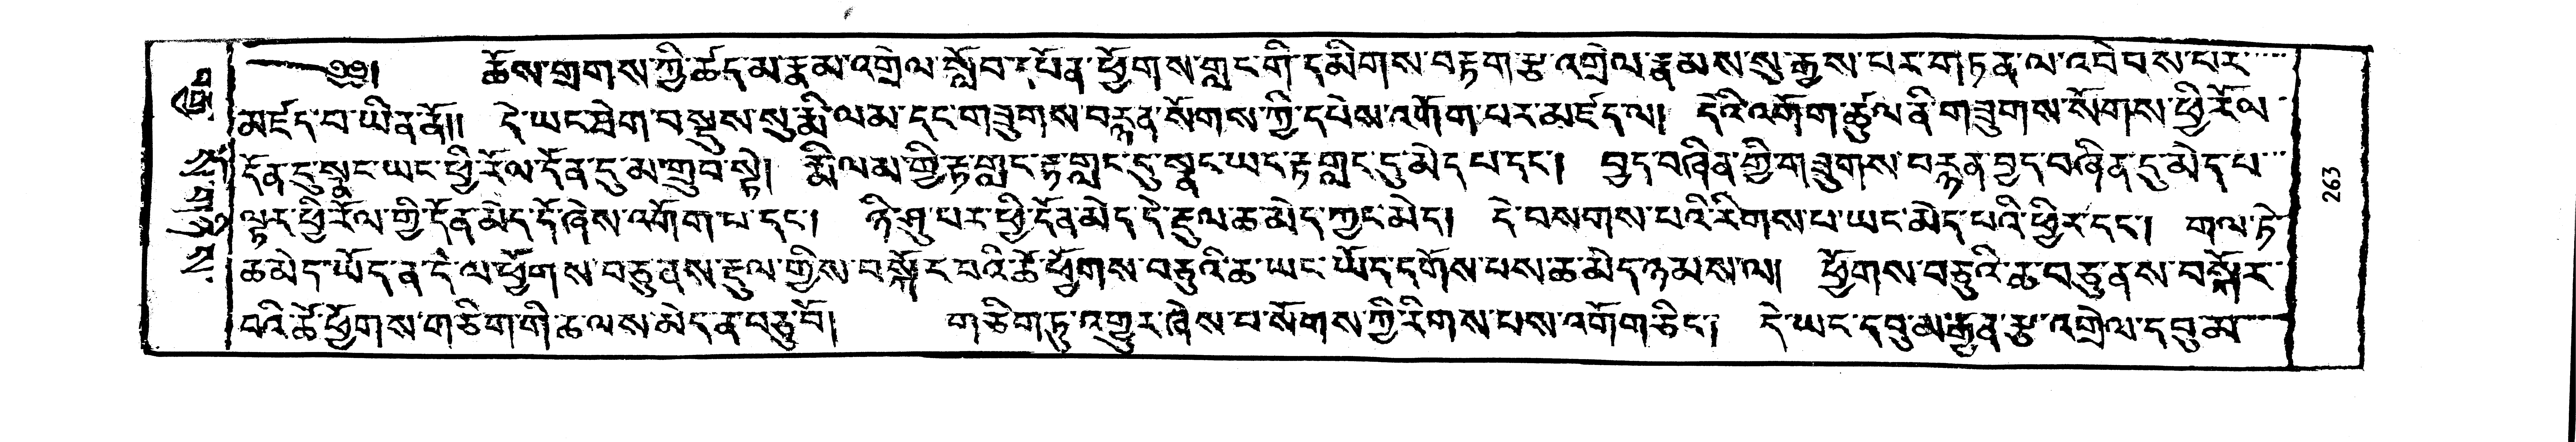༄༅། །ཆོས་གྲགས་ཀྱི་ཚད་མ་རྣམ་འགྲེལ་སློབ་དཔོན་ཕྱོགས་གླང་གི་དམིགས་བརྟག་རྩ་འགྲེལ་རྣམས་སུ་རྒྱས་པར་གཏན་ལ་འབེབས་པར་
མཛད་པ་ཡིན་ནོ། །དེ་ཡང་ཐེག་བསྡུས་སུ་རྨི་ལམ་དང་གཟུགས་བརྙན་སོགས་ཀྱི་དཔེས་འགོག་པར་མཛད་ལ། དེའི་འགོག་ཚུལ་ནི་གཟུགས་སོགས་ཕྱི་རོལ་
དོན་དུ་སྣང་ཡང་ཕྱི་རོལ་དོན་དུ་མ་གྲུབ་སྟེ། རྨི་ལམ་གྱི་རྟ་གླང་རྟ་གླང་དུ་སྣང་ཡང་རྟ་གླང་དུ་མེད་པ་དང་། བྱད་བཞིན་གྱི་གཟུགས་བརྙན་བྱད་བཞིན་དུ་མེད་པ་
ལྟར་ཕྱི་རོལ་གྱི་དོན་མེད་དོ་ཞེས་འགོག་པ་དང་། ཉི་ཤུ་པར་ཕྱི་དོན་མེད་དེ་རྡུལ་ཆ་མེད་ཀྱང་མེད། དེ་བསགས་པའི་རིགས་པ་ཡང་མེད་པའི་ཕྱིར་དང་། གལ་ཏེ་
ཆ་མེད་ཡོད་ན་དེ་ལ་ཕྱོགས་བཅུ་ནས་རྡུལ་གྱིས་བསྐོར་བའི་ཆོ་ཕྱོགས་བཅུའི་ཆ་ཡང་ཡོད་དགོས་པས་ཆ་མེད་ཉམས་ལ། ཕྱོགས་བཅུའི་ཆ་བཅུ་ནས་བསྐོར་
བའི་ཚེ་ཕྱོགས་གཅིག་གི་ཆ་ལས་མེད་ན་བཅུ་བོ། །གཅིག་ཏུ་འགྱུར་ཞེས་བ་སོགས་ཀྱི་རིགས་པས་འགོག་ཅིང་། དེ་ཡང་དབུ་མ་རྒྱན་རྩ་འགྲེལ་དབུ་མ་